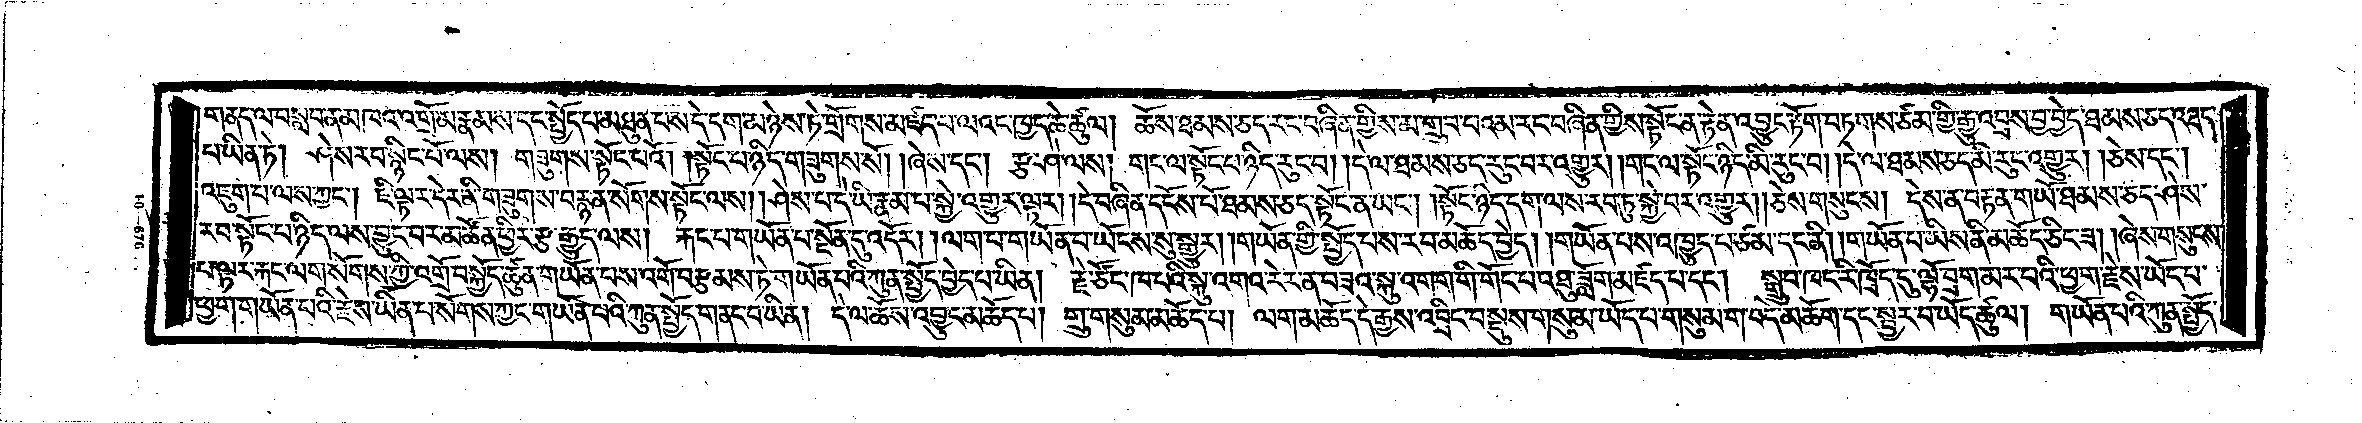གནད་ལ་བསླབ་ན་མཁའ་འགྲོ་མ་རྣམས་དང་སྤྱོད་པ་མཐུན་པས་དེ་དག་མཉེས་ཏེ་གྲོགས་མཛད་པ་ལའང་ཁྱད་ཆེ་ཚུལ། ཆོས་ཐམས་ཅད་རང་བཞིན་གྱིས་མ་གྲུབ་བའམ་རང་བཞིན་གྱིས་སྟོང་ན་རྟེན་འབྱུང་རྟོག་བཏགས་ཙམ་གྱི་རྒྱུ་འབྲས་བྱ་བྱེད་ཐམས་ཅད་འཐད་
པ་ཡིན་ཏེ། ཤེས་རབ་སྙིང་པོ་ལས། གཟུགས་སྟོང་པའོ། །སྟོང་པ་ཉིད་གཟུགས་སོ། །ཞེས་དང་། རྩ་ཤེ་ལས། གང་ལ་སྟོང་པ་ཉིད་རུང་བ། །དེ་ལ་ཐམས་ཅད་རུང་བར་འགྱུར། །གང་ལ་སྟོང་ཉིད་མི་རུང་བ། །དེ་ལ་ཐམས་ཅད་མི་རུང་འགྱུར། །ཅེས་དང་།
འཇུག་པ་ལས་ཀྱང་། ཇི་ལྟར་དེར་ནི་གཟུགས་བརྙན་སོགས་སྟོང་ལས། །ཤེས་པ་དེ་ཡི་རྣམ་པ་སྐྱེ་འགྱུར་ལྟར། །དེ་བཞིན་དངོས་པོ་ཐམས་ཅད་སྟོང་ན་ཡང་། །སྟོང་ཉིད་དག་ལས་རབ་ཏུ་སྐྱེ་བར་འགྱུར། །ཅེས་གསུངས། དེས་ན་བརྟན་གཡོ་ཐམས་ཅད་ཤེས་
རབ་སྟོང་པ་ཉིད་ལས་བྱུང་བར་མཚོན་ཕྱིར་རྩ་རྒྱུད་ལས། རྐང་པ་གཡོན་པ་སྔོན་དུ་འདོར། །ལག་པ་གཡོན་པ་ཡོངས་སུ་སྒྱུར། །གཡོན་གྱི་སྤྱོད་བས་རབ་མཆོད་བྱེད། །གཡོན་པས་འཁྱུད་པ་ཙམ་དང་ནི། །གཡོན་པ་ཡིས་ནི་མཆོད་ཅིང་ཟ། །ཞེས་གསུངས་
པ་ལྟར་རྐང་ལག་སོགས་ཀྱི་འགྲོ་བསྐྱོད་ཚུན་གཡོན་པས་འགོ་བརྩམས་ཏེ་གཡོན་པའི་ཀུན་སྤྱོད་བྱེད་པ་ཡིན། རྗེ་ཙོང་ཁ་བའི་སྐུ་འགའ་རེར་ན་བཟའ་སྐུ་འགག་གི་གོང་པ་འཐུ་ཟློག་མཛད་པ་དང་། སྒྲུབ་ཁང་རི་ཁྲོད་དུ་ལྷོ་བྲག་མར་པའི་ཕྱག་རྗེས་ཡོད་པ་
ཕྱག་གཡོན་པའི་རྗེས་ཡིན་པ་སོགས་ཀྱང་གཡོན་པའི་ཀུན་སྤྱོད་གནང་པ་ཡིན། དེ་ལ་ཆོས་འབྱུང་མཆོད་པ། གྲུ་གསུམ་མཆོད་པ། ལག་མཆོད་དེ་རྒྱས་འབྲིང་བསྡུས་གསུམ་ཡོད་པ་གསུམ་ག་བདེ་མཆོག་དང་སྦྱར་བ་ཡོད་ཚུལ། གཡོན་པའི་ཀུན་སྤྱོད་